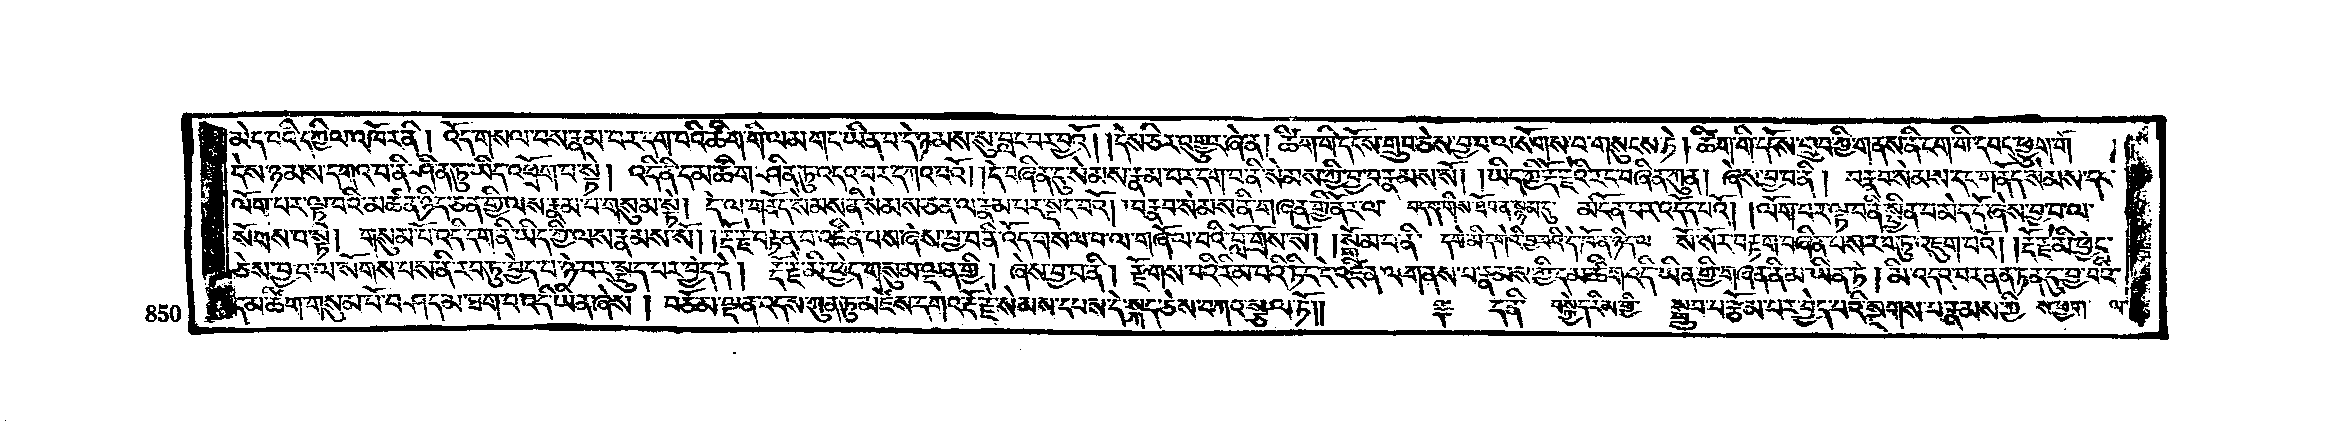མེད་པའི་དཀྱིལ་འཁོར་ནི། འོད་གསལ་བས་རྣམ་པར་དག་པའི་ཚིག་གི་ལམ་གང་ཡིན་པ་དེ་ཉམས་སུ་བླང་བར་བྱའོ། །དེས་ཅིར་འགྱུར་ཞེ་ན། ཚིག་གི་དངོས་གྲུབ་ཅེས་བྱ་བ་ལ་སོགས་པ་གསུངས་ཏེ། ཚིག་གི་དངོས་གྲུབ་ཀྱི་གནས་ནི་ངག་གི་དབང་ཕྱུག་གོ །
དེས་ཉམས་དགའ་བ་ནི་ཤིན་ཏུ་ཡིད་འཕྲོག་པ་སྟེ། འདི་ནི་དམ་ཚིག་ཤིན་ཏུ་འདའ་བར་དཀའ་བའོ། །དེ་བཞིན་དུ་སེམས་རྣམ་པར་དག་པ་ནི་སེམས་ཀྱི་བྱ་བ་རྣམས་སོ། །ཡིད་ཀྱི་རྡོ་རྗེའི་རང་བཞིན་ཀུན། ཞེས་བྱ་བ་ནི། བརྣབ་སེམས་དང་གནོད་སེམས་དང་
ལོག་པར་ལྟ་བའི་མཚན་ཉིད་ཅན་གྱི་ལས་རྣམ་པ་གསུམ་སྟེ། དེ་ལ་གནོད་སེམས་ནི་སེམས་ཅན་ལ་རྣམ་པར་སྡང་བའོ། །བརྣབ་སེམས་ནི་གཞན་གྱི་ནོར་ལ་བདག་གིས་ཐོབ་ན་སྙམ་དུ་མངོན་པར་འདོད་པའོ། །ལོག་པར་ལྟ་བ་ནི་སྦྱིན་པ་མེད་དོ་ཞེས་བྱ་བ་ལ་
སོགས་པ་སྟེ། གསུམ་པོ་འདི་དག་ནི་ཡིད་ཀྱི་ལས་རྣམས་སོ། །རྡོ་རྗེ་བརྟན་པ་འཛིན་པས་ཞེས་བྱ་བ་ནི་འོད་གསལ་བ་ལ་གཞོལ་བའི་བློ་གྲོས་སོ། །སྒོམ་པ་ནི་དགེ་མི་དགེའི་བྱ་བའི་དེ་ཁོ་ན་ཉིད་ལ་སོ་སོར་བརྟག་བཞིན་པས་རབ་ཏུ་འཇུག་པའོ། །རྡོ་རྗེ་མི་ཕྱེད་
ཅེས་བྱ་བ་ལ་སོགས་པས་ནི་རབ་ཏུ་བྱེད་པ་ཉེ་བར་སྡུད་པར་བྱེད་དེ། རྡོ་རྗེ་མི་ཕྱེད་གསུམ་ལྡན་གྱི། ཞེས་བྱ་བ་ནི། རྫོགས་པའི་རིམ་པའི་ཏིང་ངེ་འཛིན་ལ་གནས་པ་རྣམས་ཀྱི་དམ་ཚིག་འདི་ཡིན་གྱི་གཞན་ནི་མ་ཡིན་ཏེ། མི་འདའ་བར་ནན་ཏན་དུ་བྱ་བའི་
དམ་ཚིག་གསུམ་པོ་བཤད་མ་ཐག་པ་འདི་ཡིན་ཞེས། བཅོམ་ལྡན་འདས་ཀུན་ཏུ་མཛེས་དགའ་རྡོ་རྗེ་སེམས་དཔས་དེ་སྐད་ཅེས་བཀའ་སྩལ་ཏོ།། ༈ ད་ནི་བསྐྱེད་རིམ་གྱི་སྒྲུབ་པ་རྩོམ་པར་བྱེད་པའི་སྔགས་པ་རྣམས་ཀྱི་ས་ཕྱག་འཚལ་